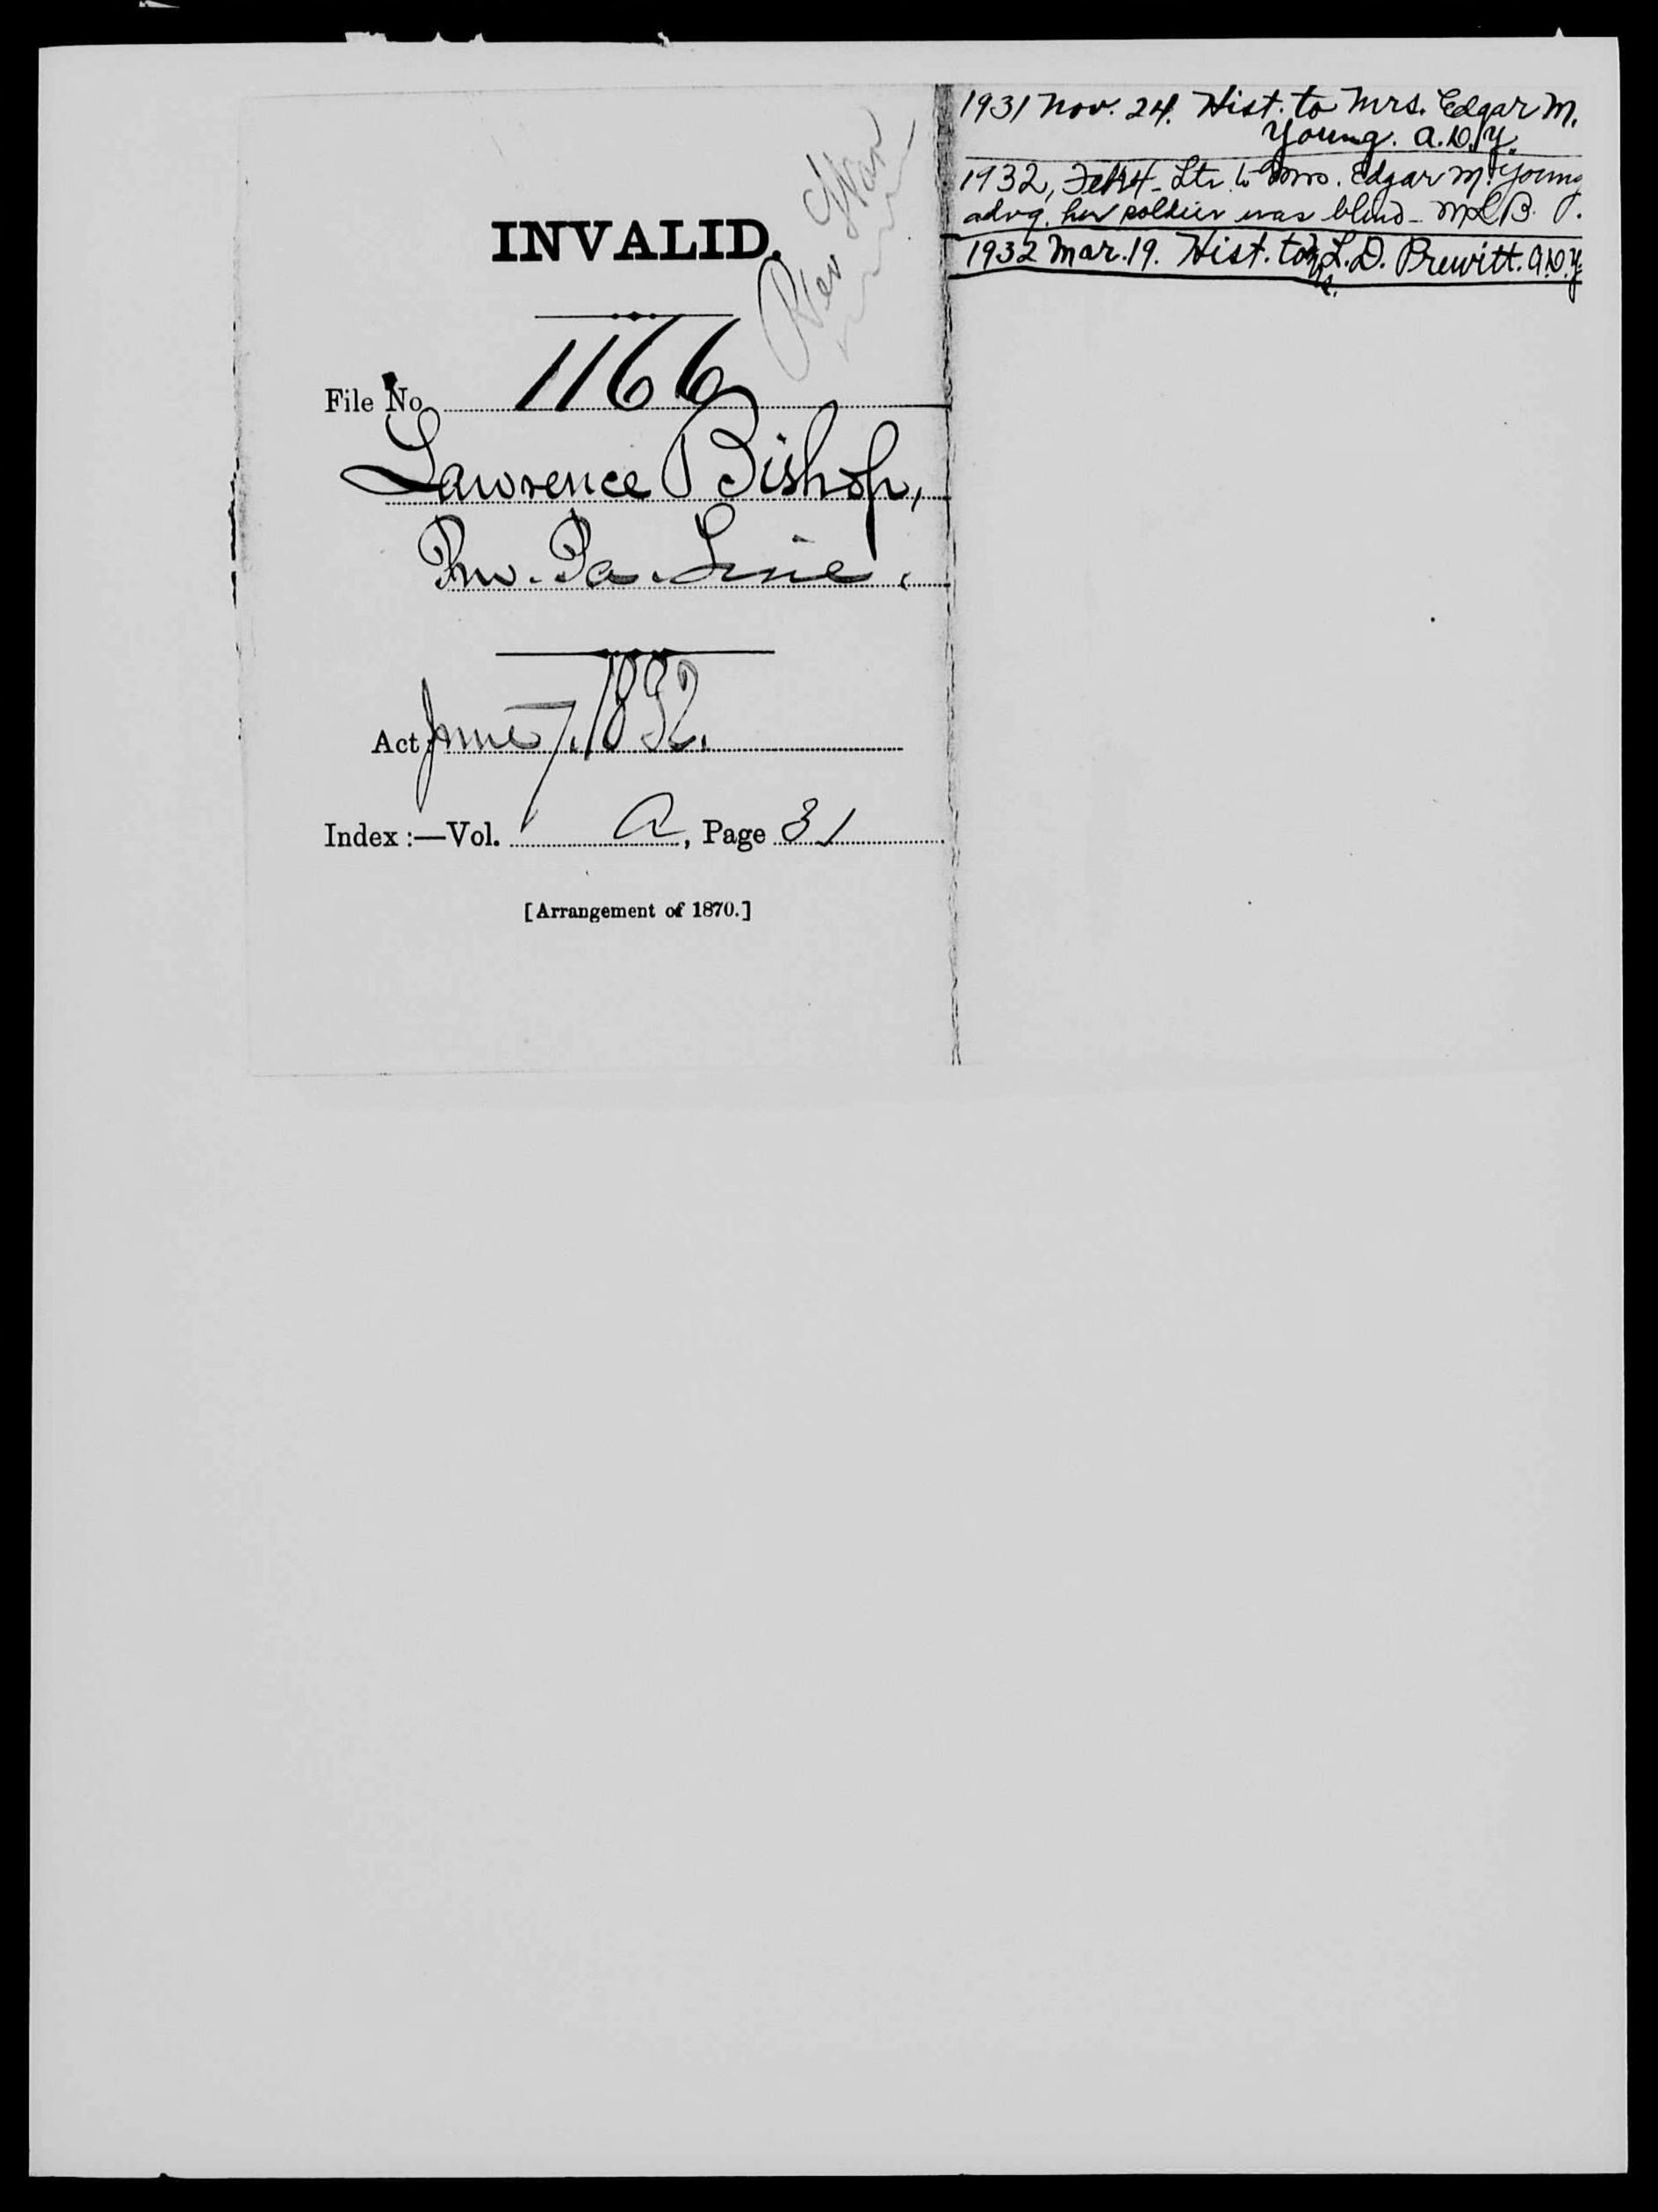INVALID.
Rev War
File No. 1166 
Lawrence Bishop, 
Priv. Pa. Line
Act:  June 7, 1832. 
Index: -- Vol. A, Page 31 
[Arrangement of 1870.] 
1931 Nov. 24. Hist. to Mrs. Edgar M. Young ADY. 
1932, Febry. 4  Ltr to Mrs. Edgar M Young advg. her soldier was blind, MLB.  
1932 Mar. 19. Hist. to L. D. Prewitt, A.D.Y.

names: Edgar M Young, Lawrence Bishop, L D Prewitt, Edgar M Young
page: 20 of 26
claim: survivor's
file: S.1,166, Lawrence Bishop, Penn.